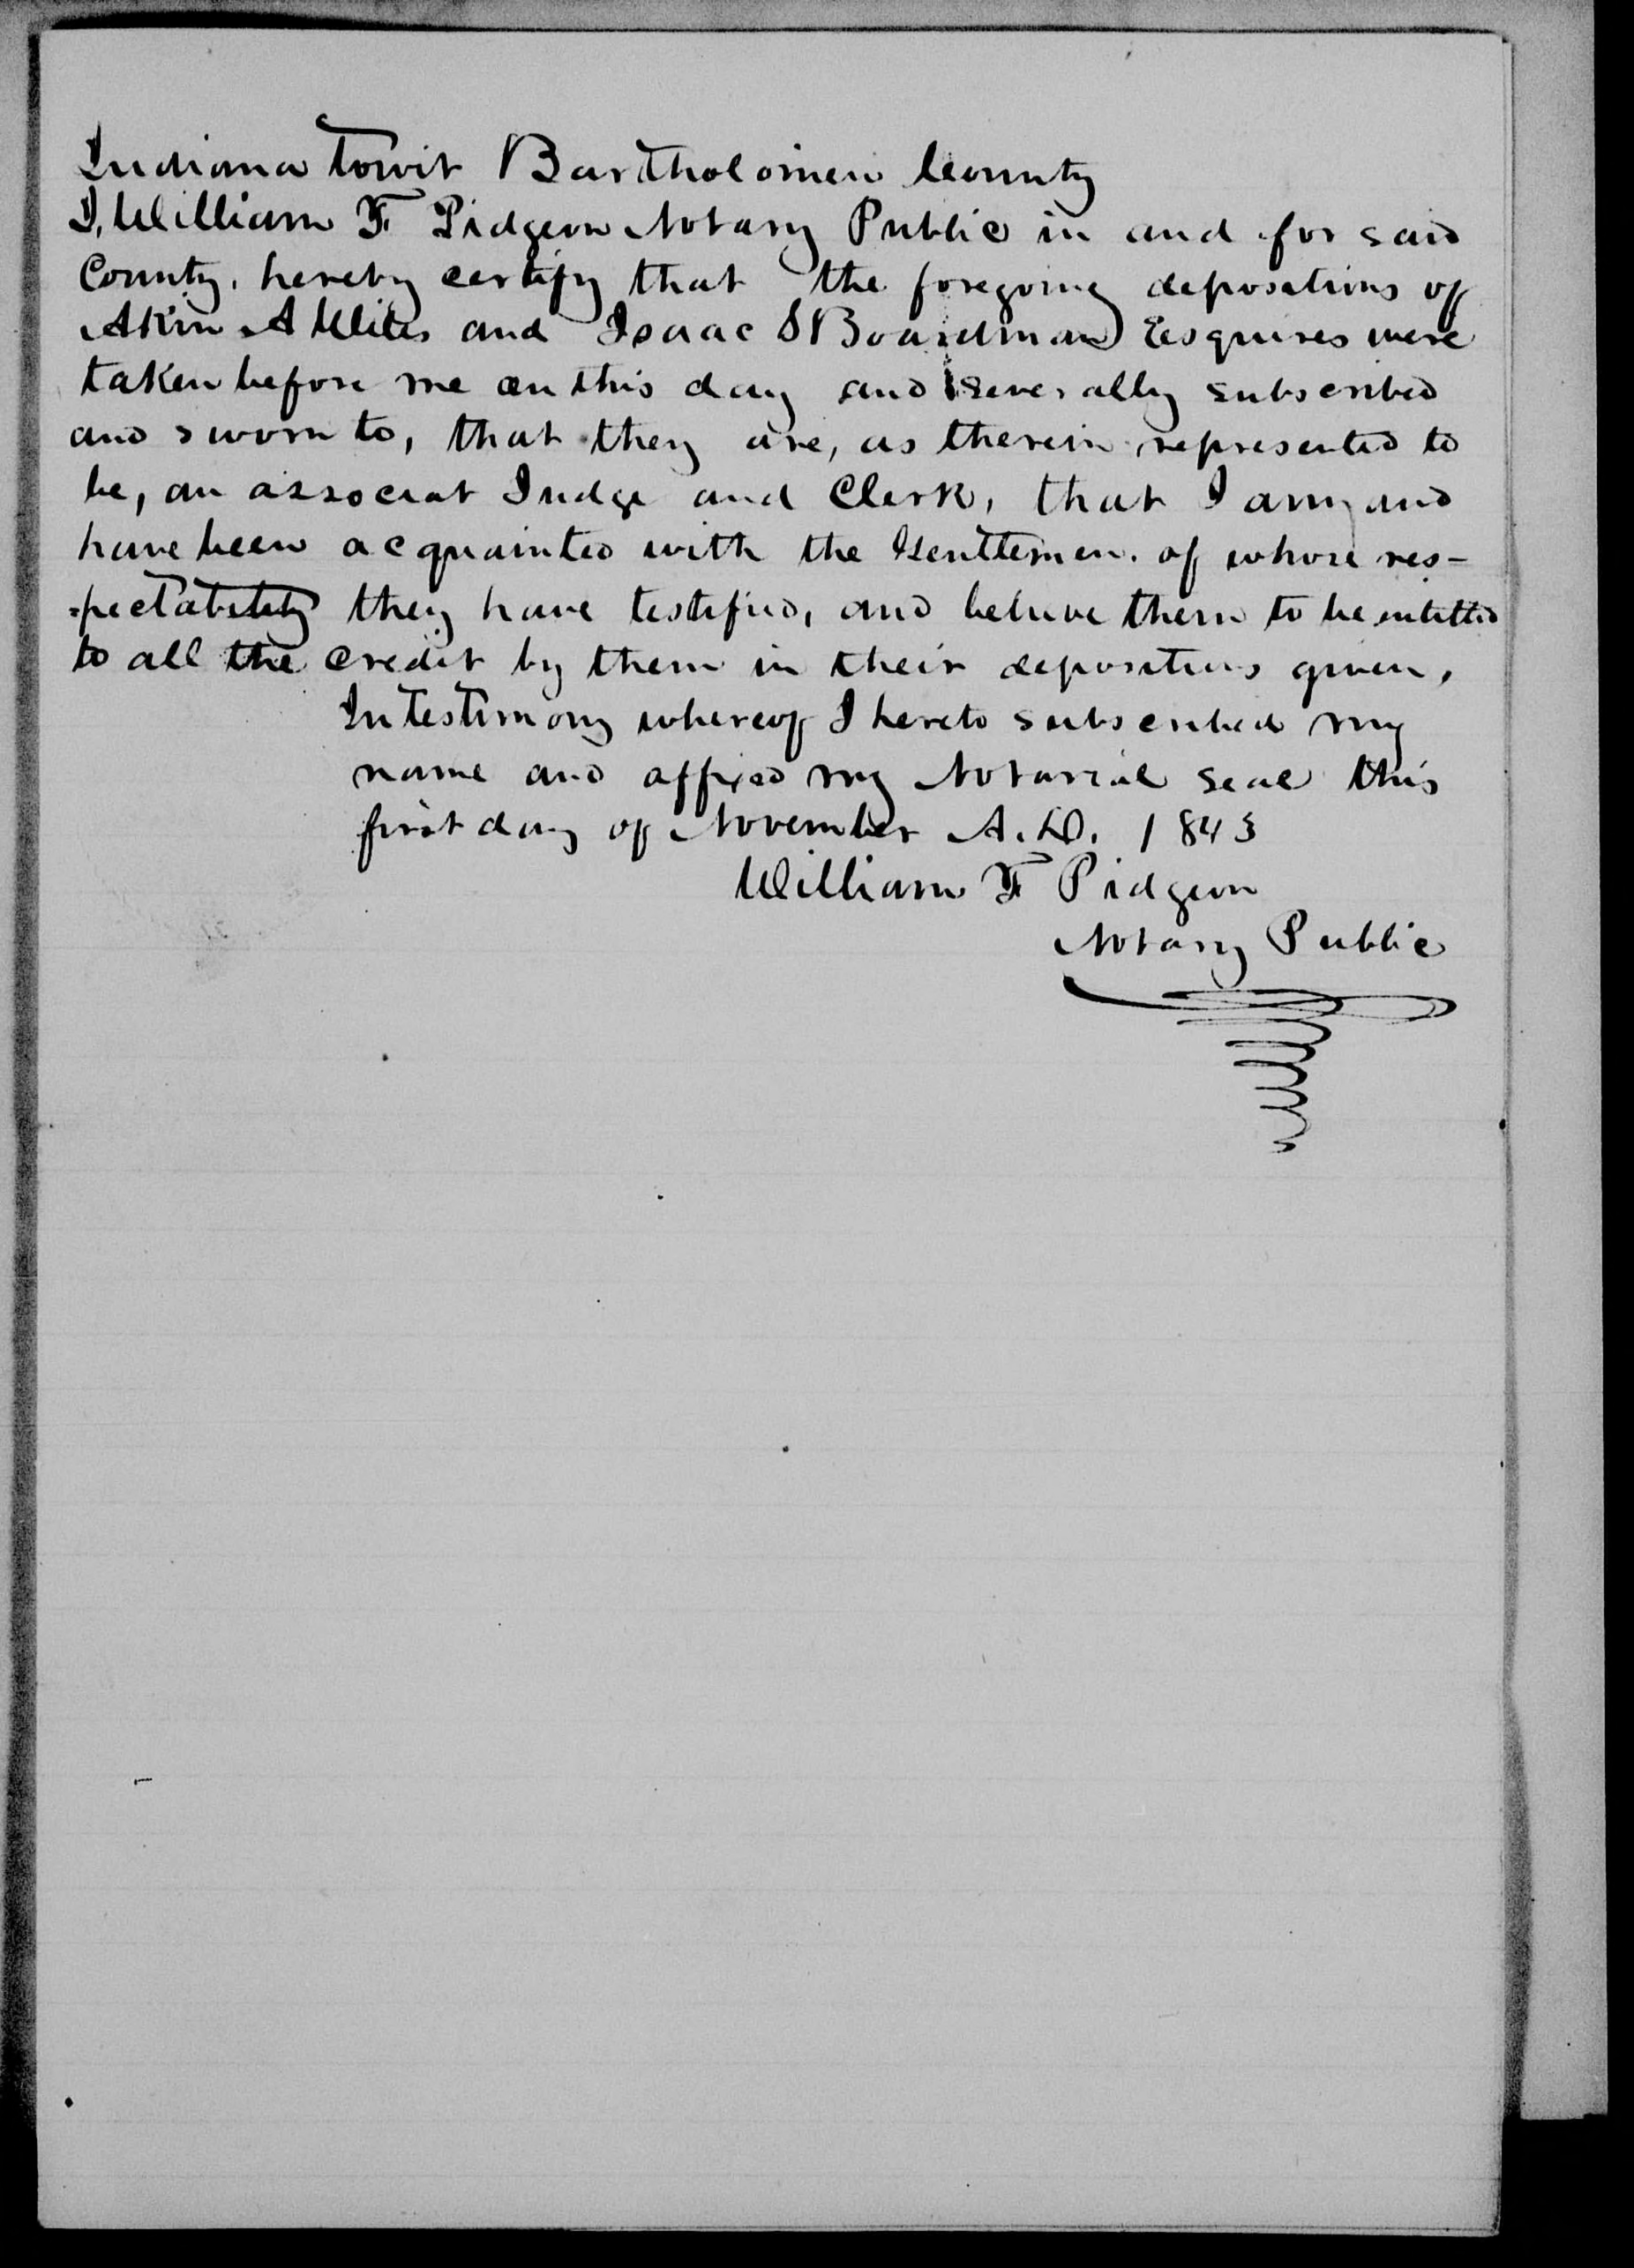{Handwritten}
Indiana Towit Bartholomew County
I, William T. Pidgeon Notary Public in and for said County, hereby certify that the foregoing depositions of Akin A Miles and Isaac S Boardman Esquires were taken before me on this day and severally subscribed and sworn to, that they are, as therein represented to
be, an associate Judge and Clerk, that I am and
have been acquainted with the Gentlemen, of whose respectability they have testified, and believe them to be entitled to all credit by them in their depositions given.
In testimony whereof I hereto subscribed                                                                         my name and affixed my Notarial seal this
first day of November A.D. 1843
William T Pidgeon
Notary Public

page: 31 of 78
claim: widow's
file: W. 25,169, for Daniel Sullivan, Maryland